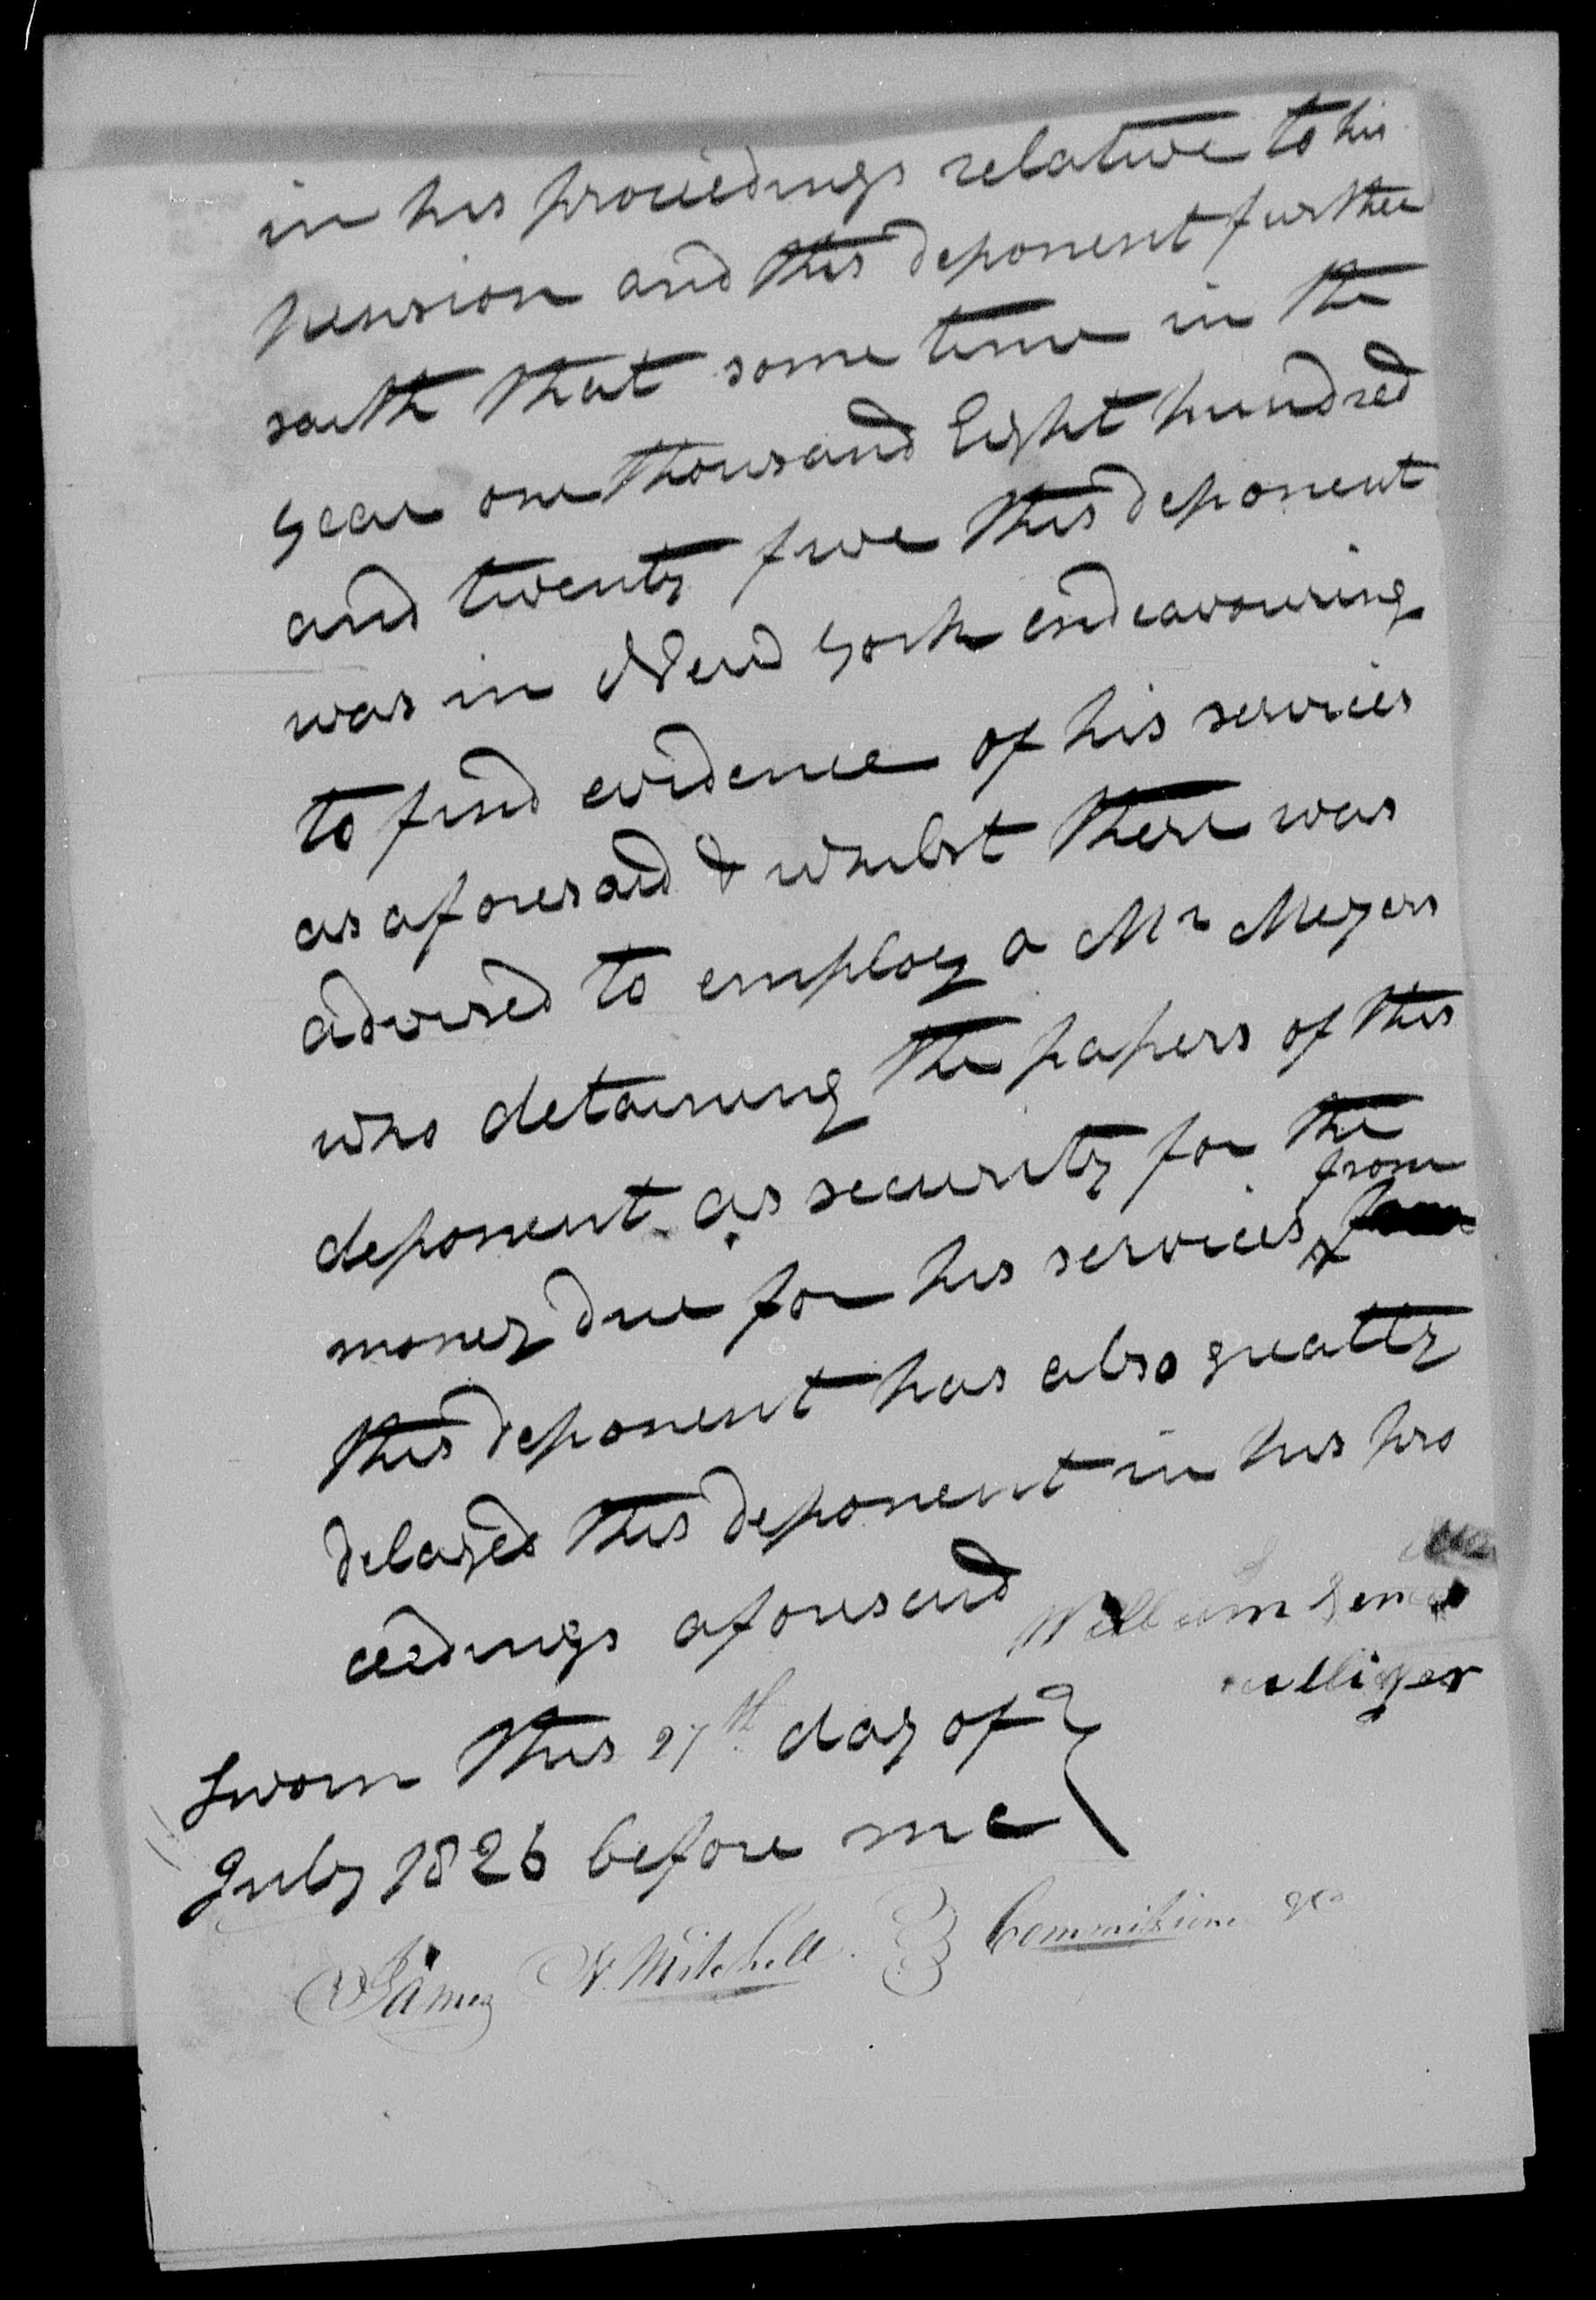in his [illegible] relative to his pension and this deponent further saith that some time in the year one thousand eight hundred and twenty five this deponent was in New York endevouring to find evidence of his services as aforesaid & whilst there was advised to employ a Mr Meyers who detaining the papers of this deponent as security for the money owed for his services from this deponent has also greater delayed this deponent in his proceedings aforesaid

William Terwilliger
Sworn this 27th day of July 1826 before me
James Mitchell Commissioner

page: 30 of 64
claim: survivor's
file: S. 42,464, for William Terwilliger, New York